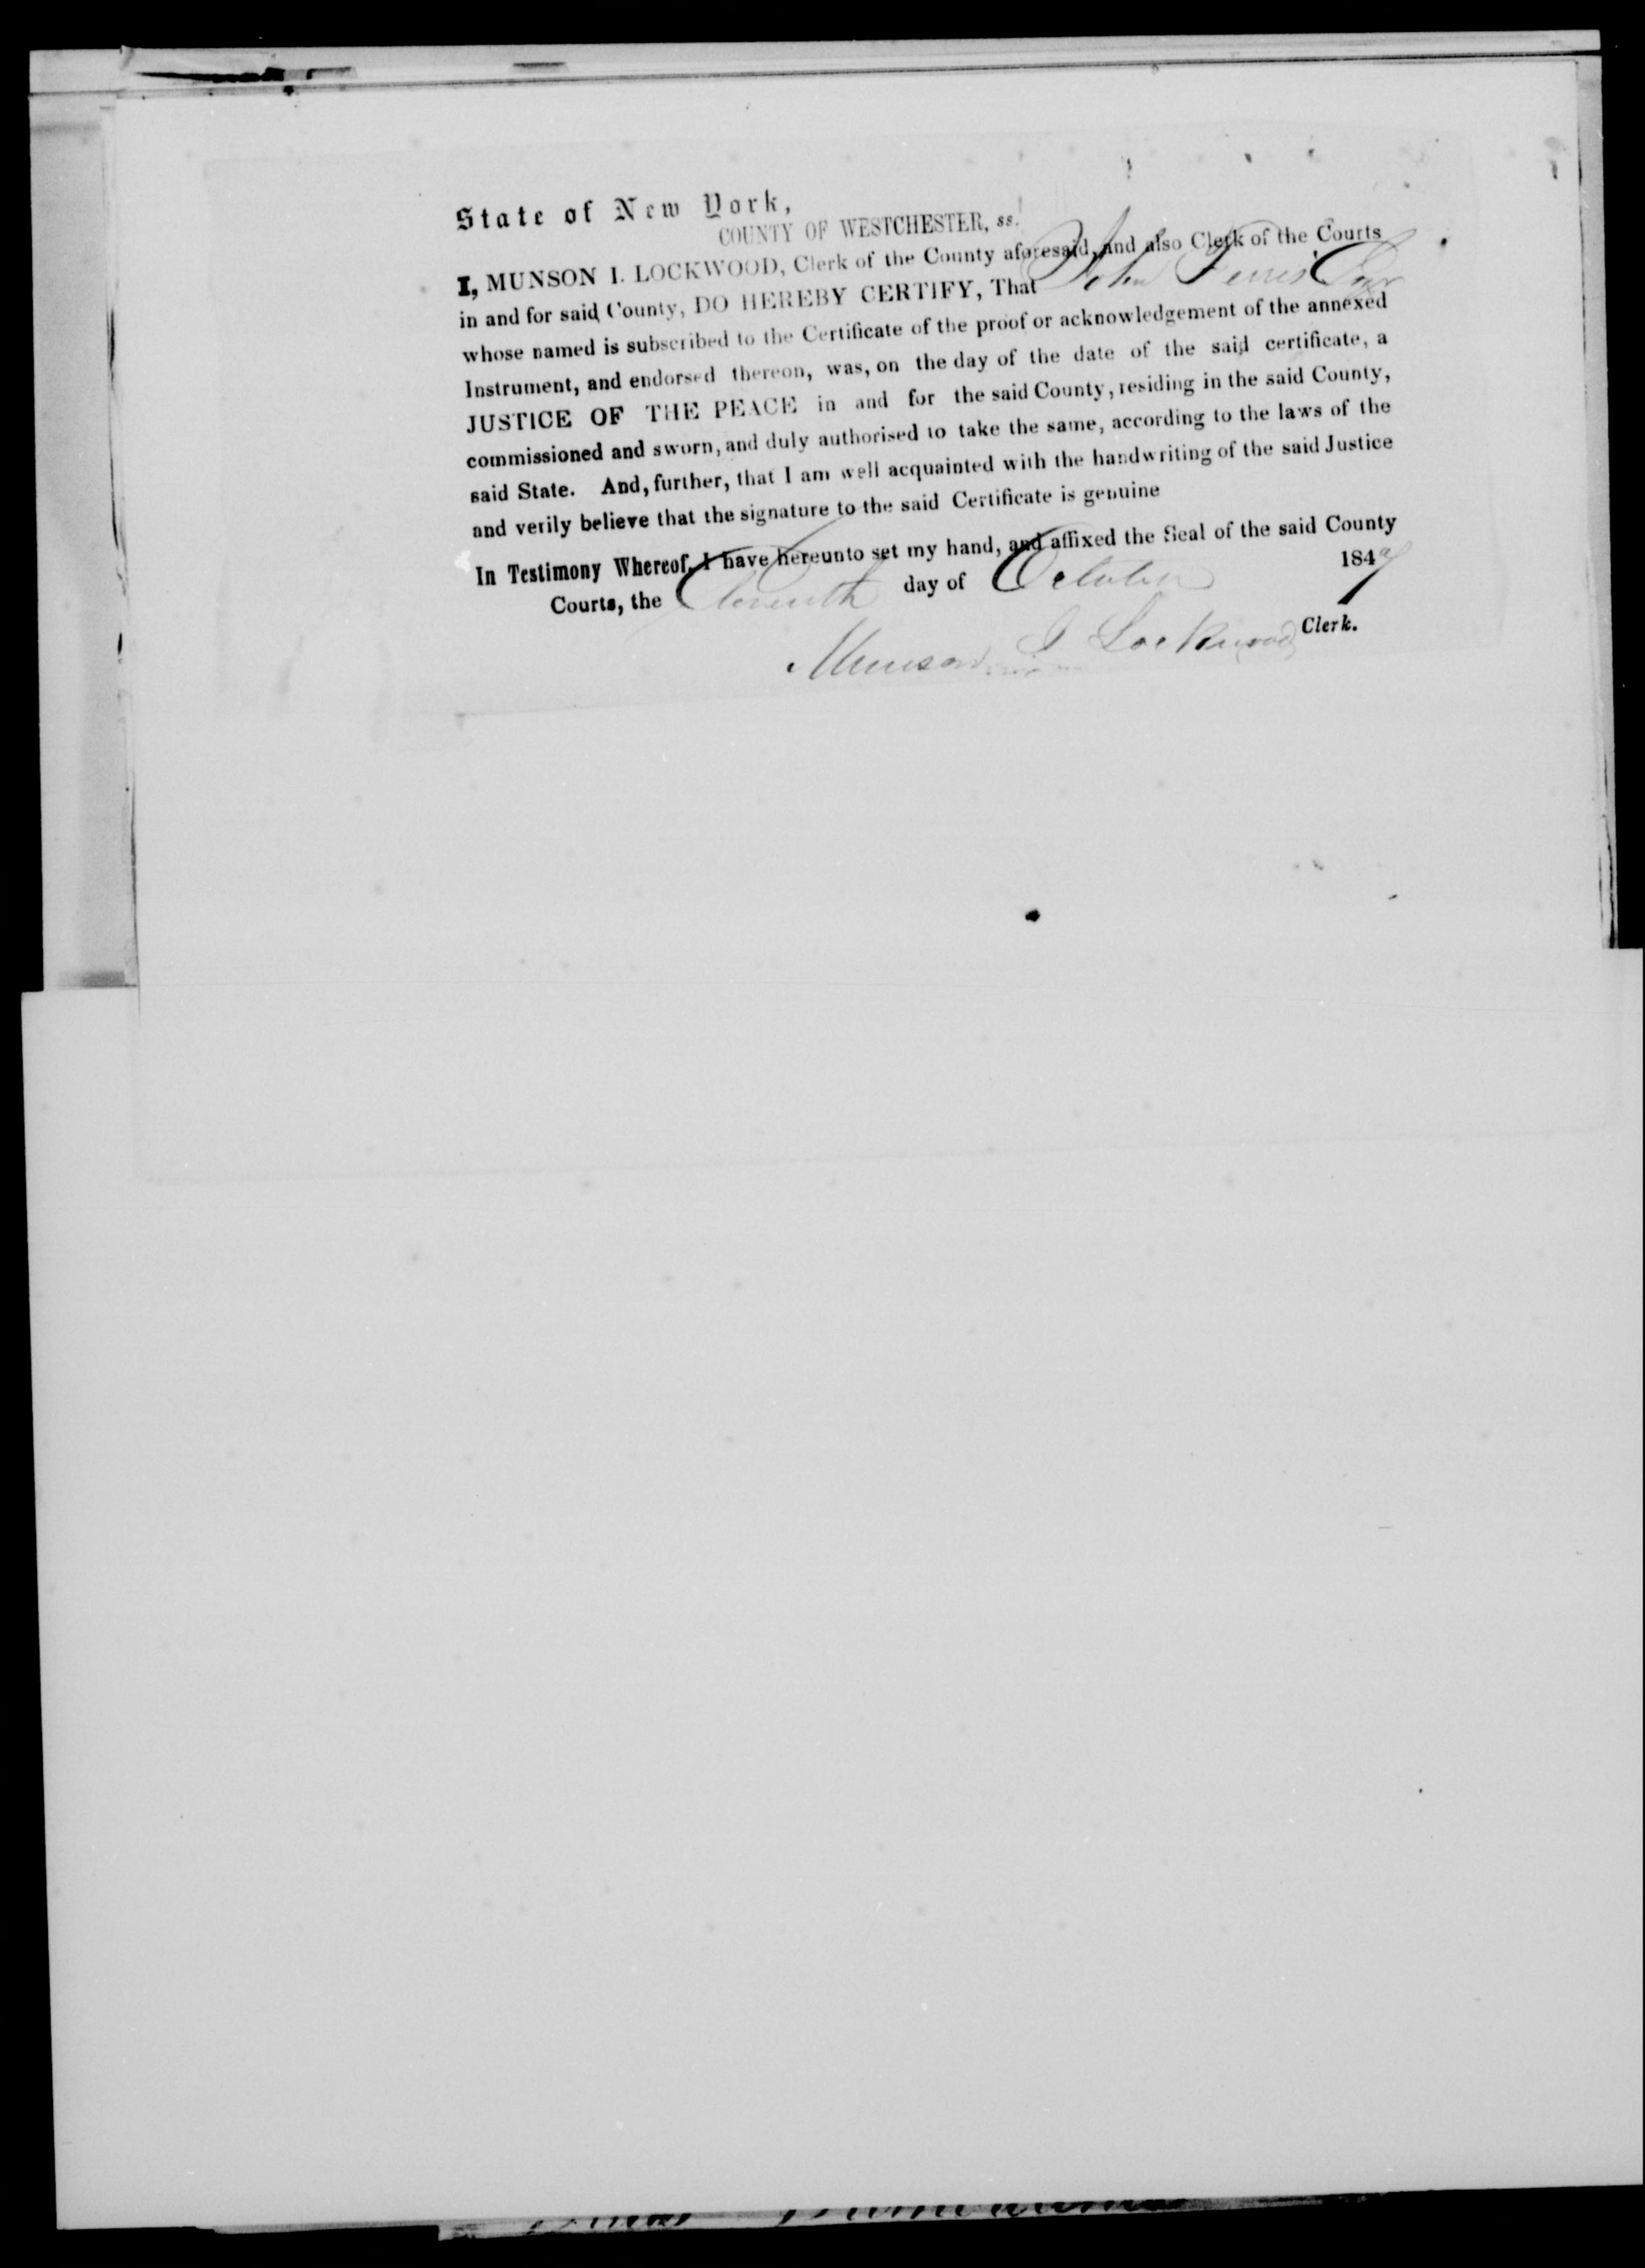State of New York,
COUNTY OF WESTCHESTER, ss.

I, MUNSON I. LOCKWOOD, Clerk of the County aforesaid, and also Clerk of the Courts in and for said County, DO HEREBY CERTIFY, That John Ferris Esq whose name is subscribed to the Certificate of the proof or acknowledgement of the annexed Instrument, and endorsed thereon, was, on the day of the date of the said certificate, a JUSTICE OF THE PEACE in and for the said County, residing in the said County, commissioned and sworn, and duly authorised to take the same, according to the laws of the said State. And, further, that I am well acquainted with the handwriting of the said Justice and verily believe that the signature to the said Certificate is genuine.

In Testimony Whereof, I have hereunto set my hand, and affixed the Seal of the said County Courts, the [?]eenth day of October 1847

Munson I Lockwood Clerk.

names: Munson I Lockwood; John Ferris; Munson I Lockwood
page: 20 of 77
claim: survivor's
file: S. 23003, for Silas Southerland, New York